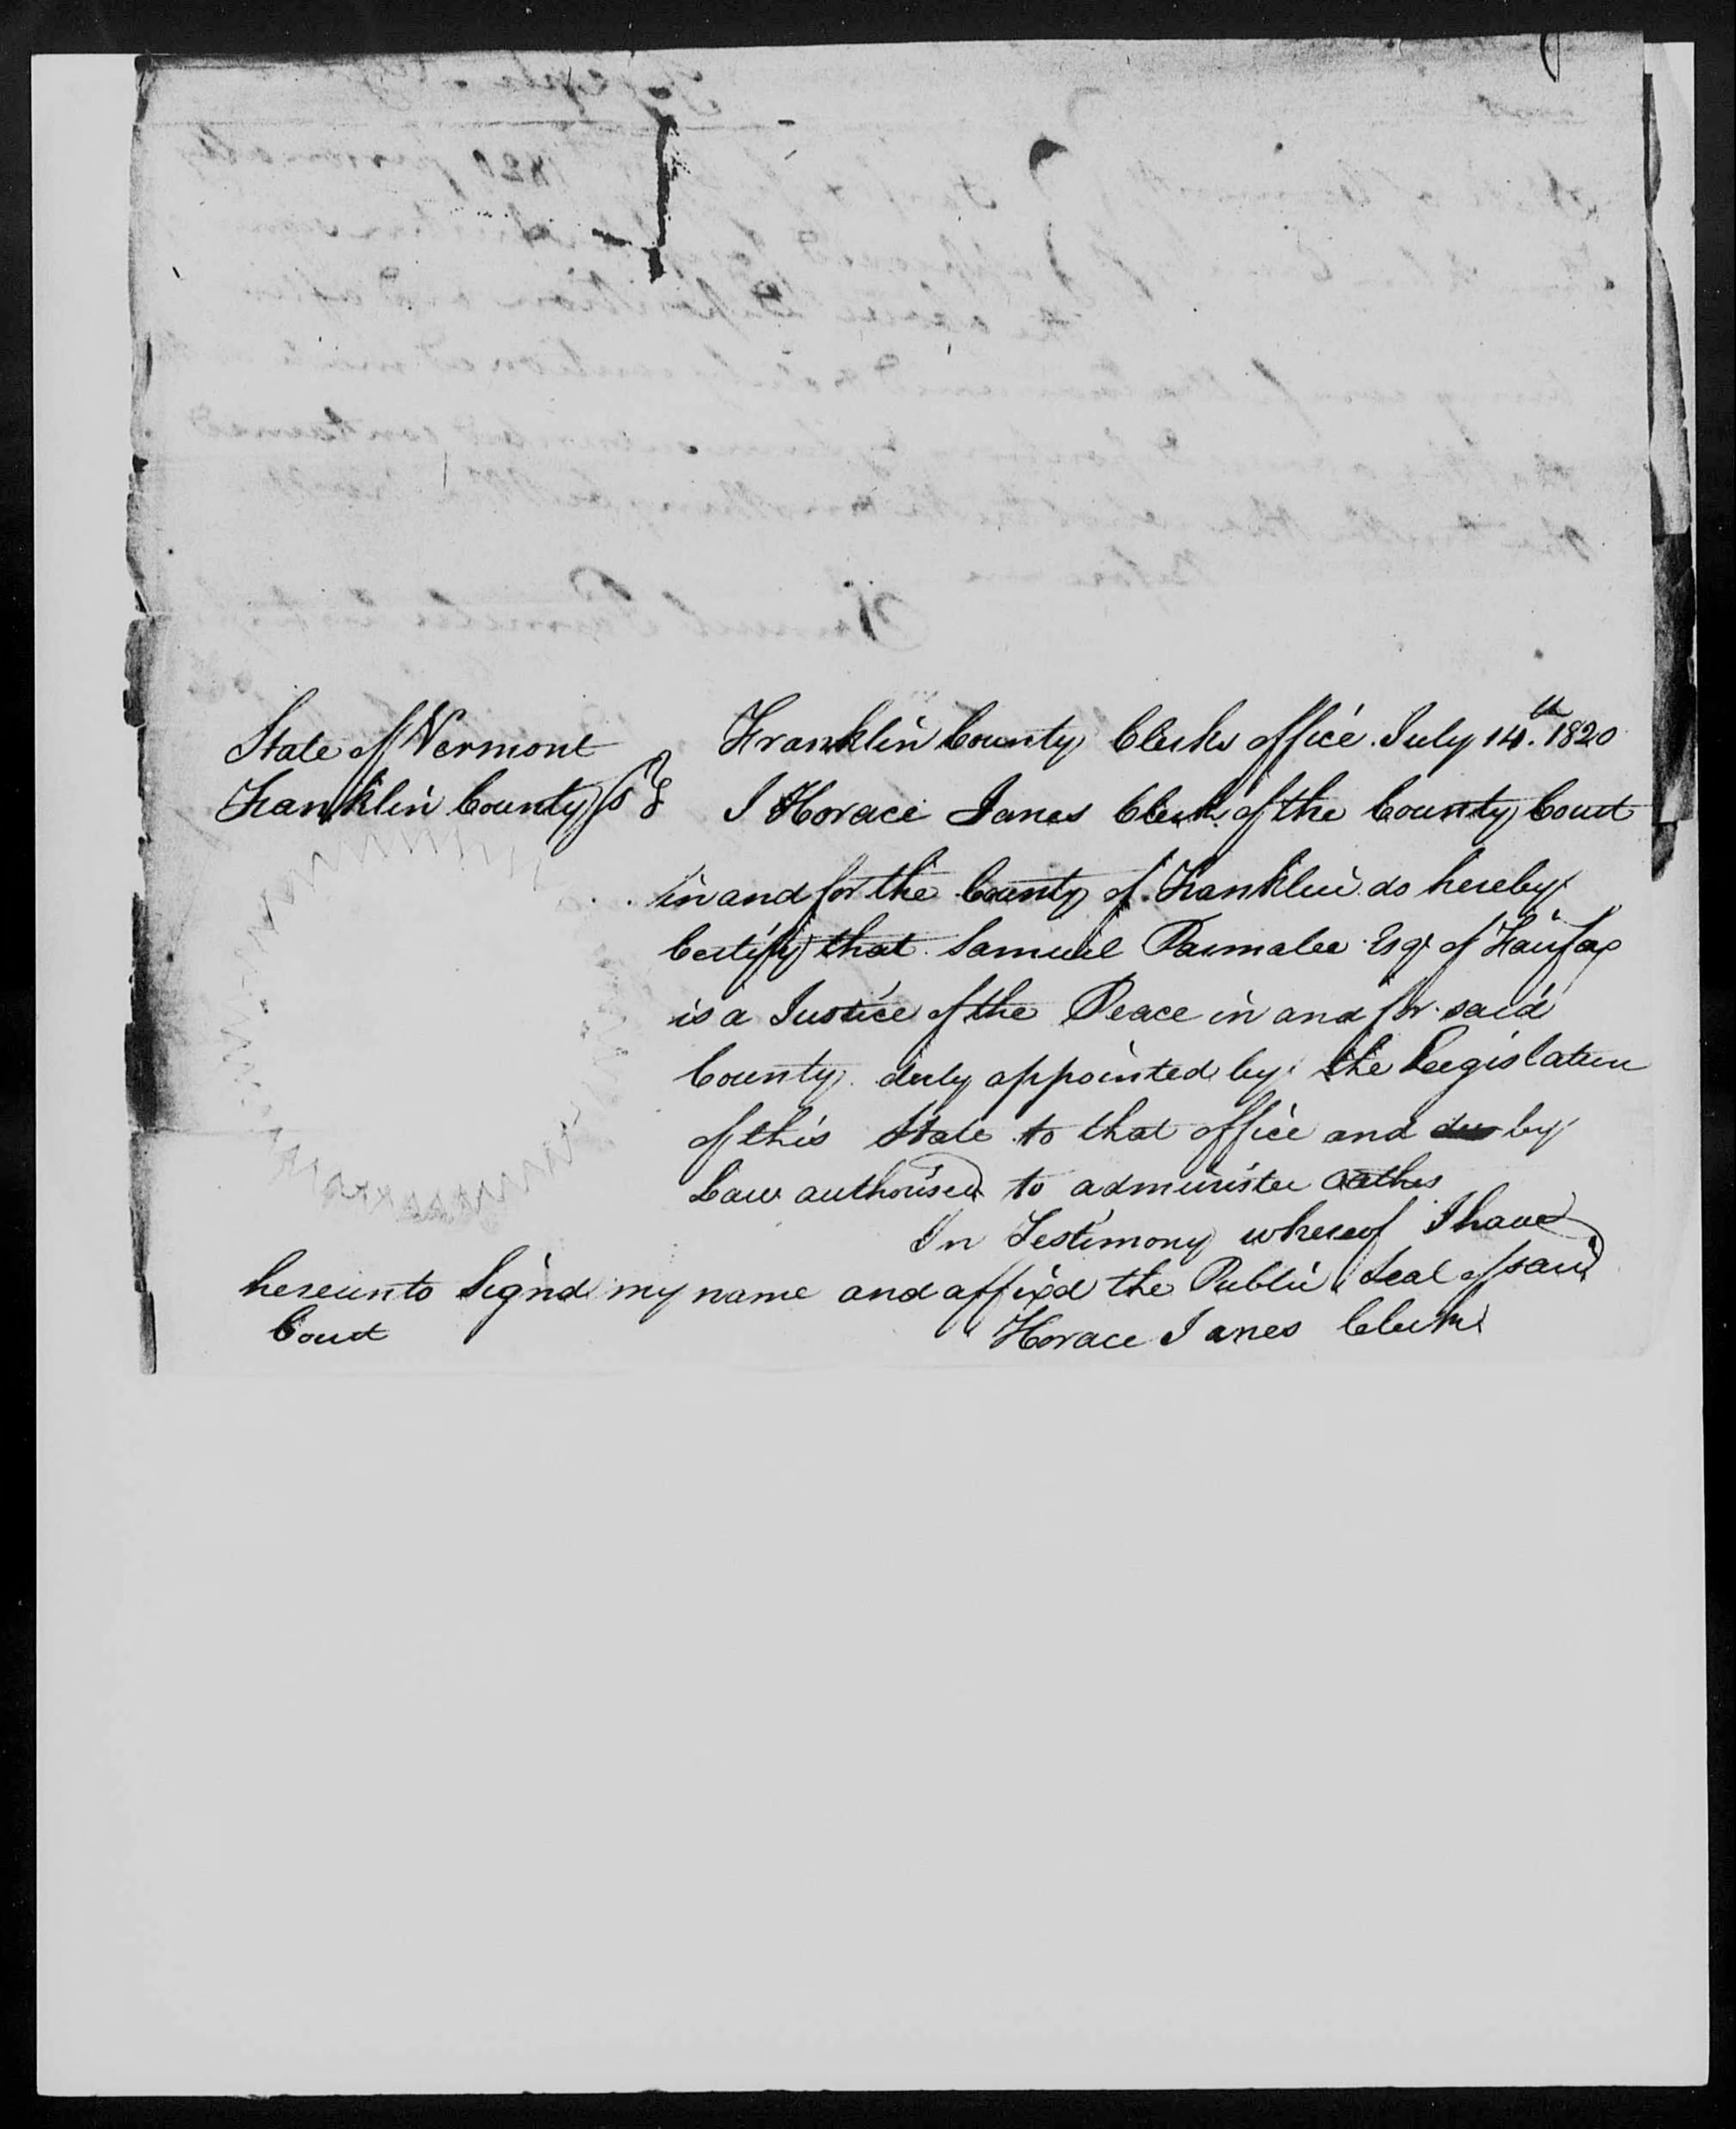State of Vermont   } Franklin County 
Franklin County ss } Clerks office. July 14th, 1820.
I Horace Janes Clerk of the County Court in and for the County of Franklin do hereby certify that Samuel Parmalee Esq. of Fairfax is a Justice of the Peace in and for said county duly appointed by the Legislature of this State to that office and by Law authorised to administer oaths
In testimony whereof I have hereunto signed my name and affixed the Public Seal of said court
Horace Janes Clerk

[outline of seal]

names: Horace Janes, Horace Janes, Samuel Parmalee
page: 72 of 100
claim: survivor's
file: S 19186, James Austin, Conn. New York R.I.